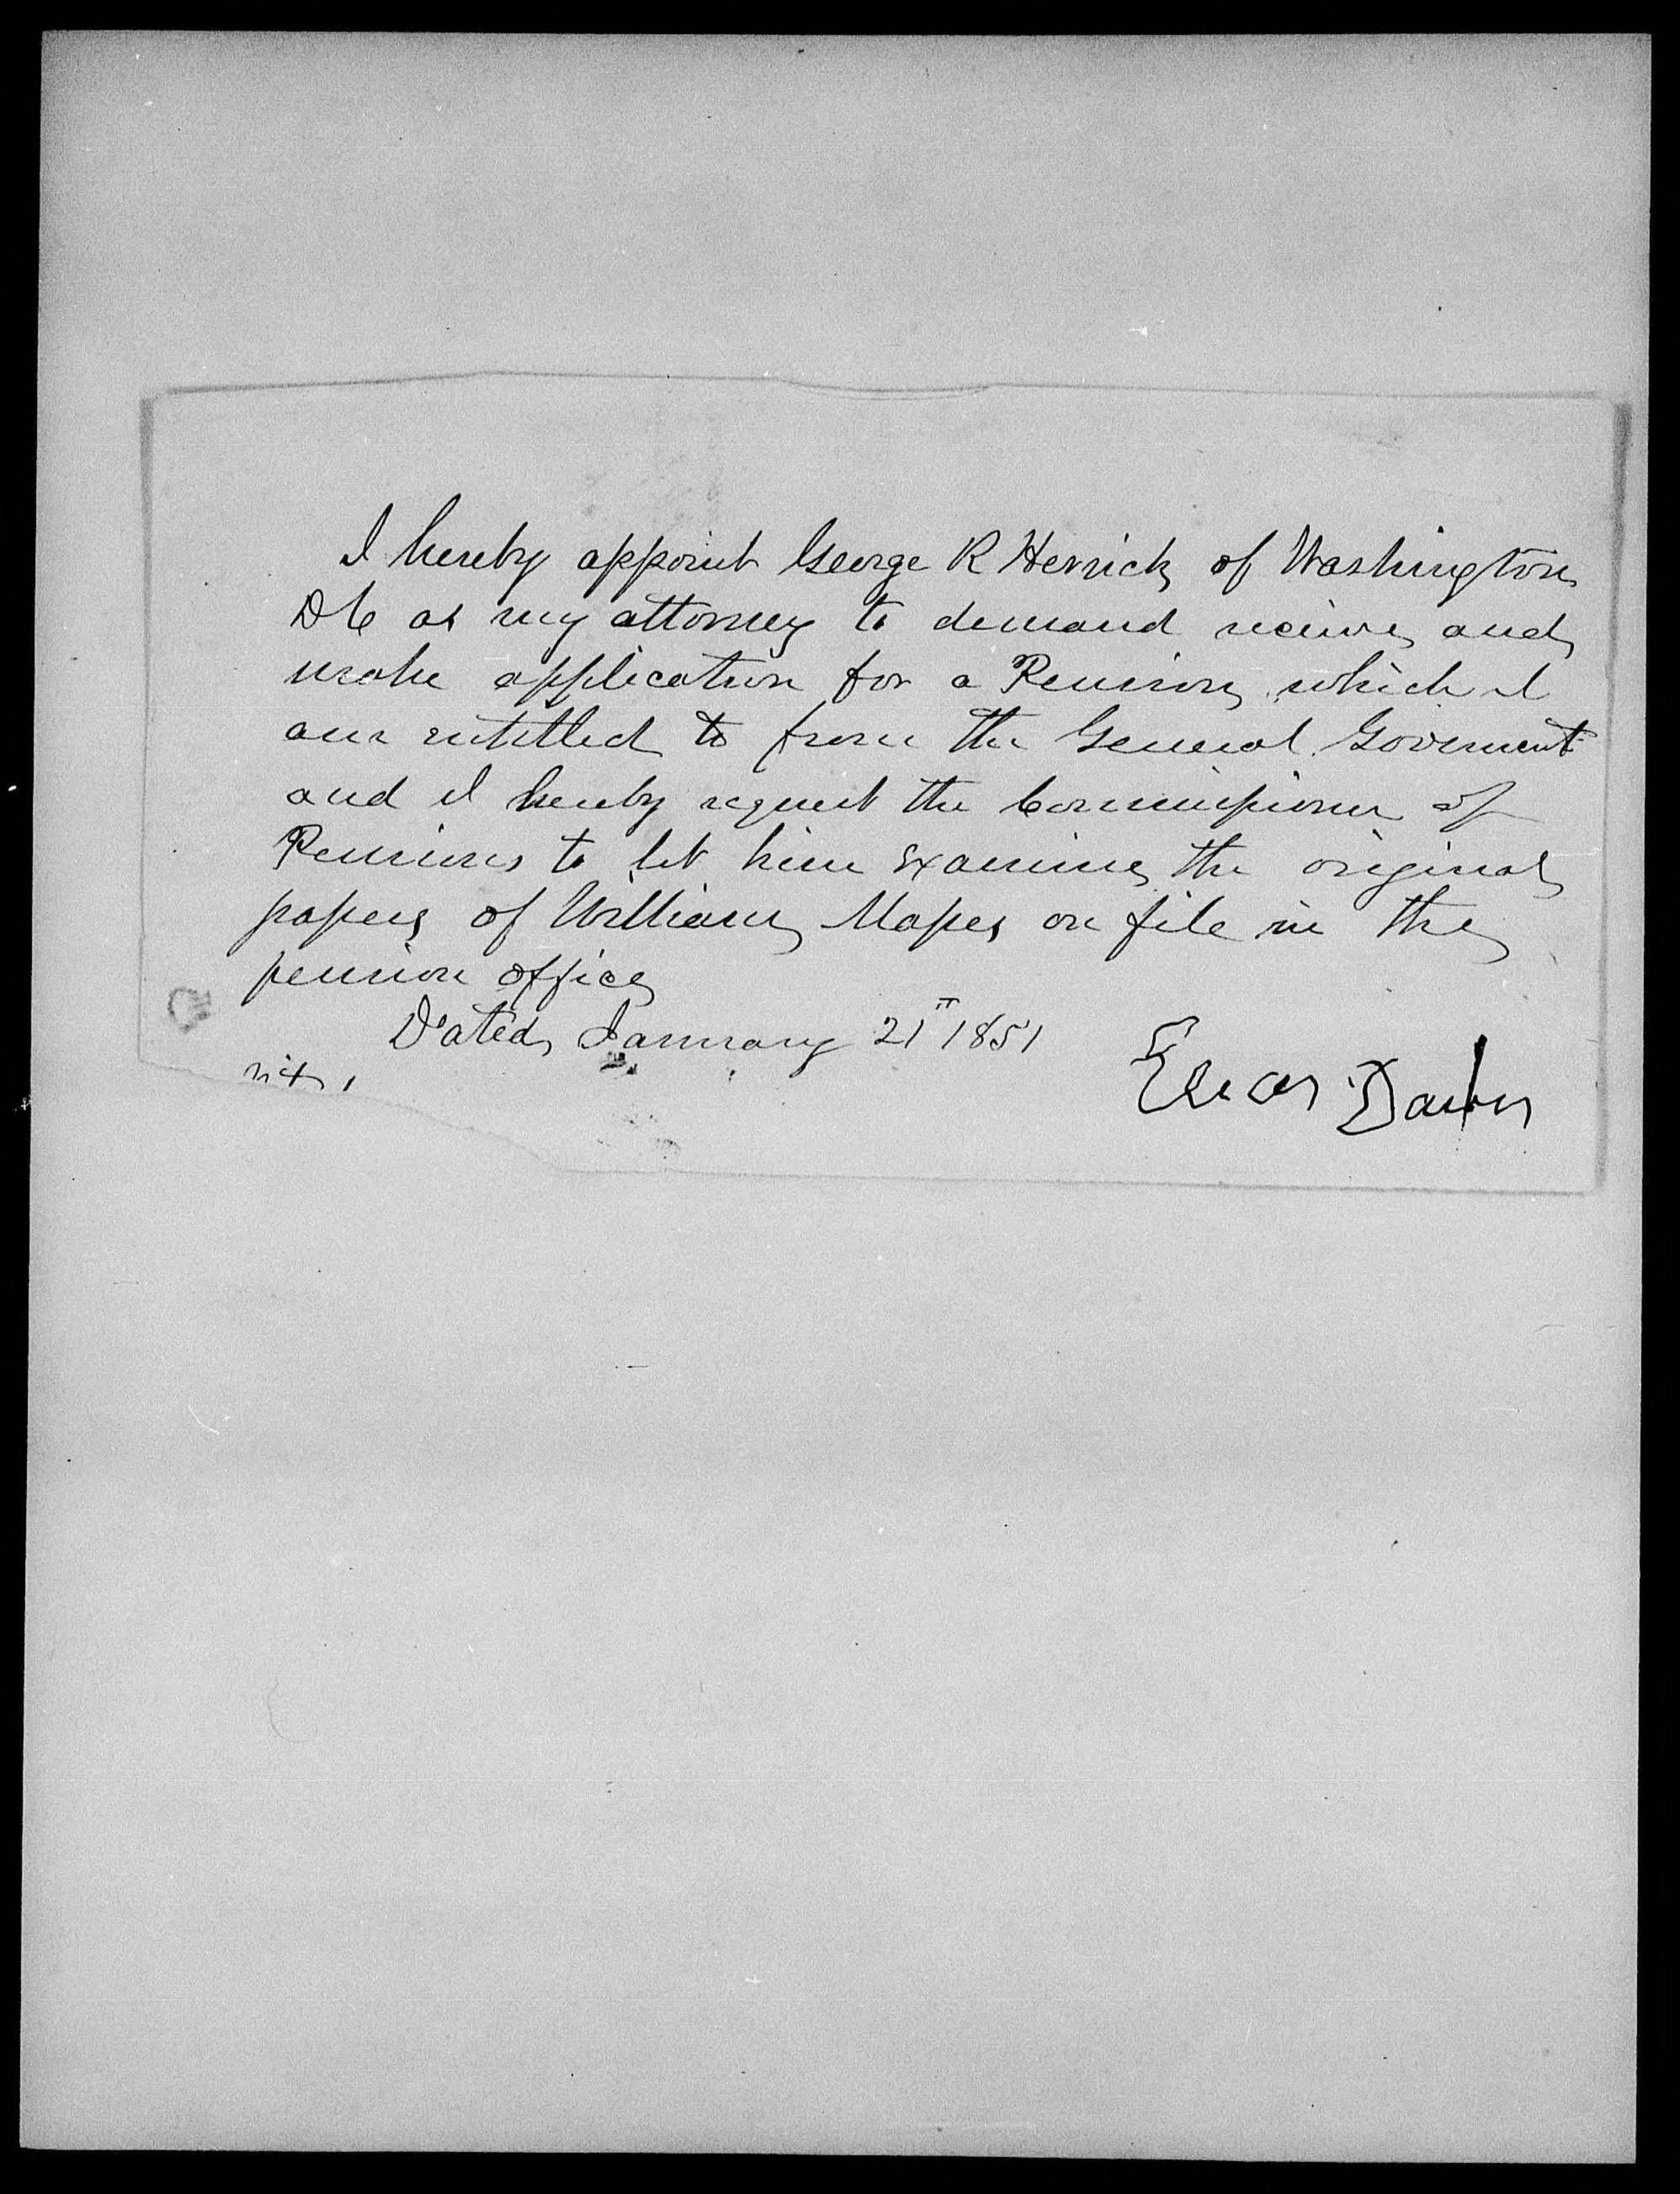I hereby appoint George R Herrick of Washington D C as my attorney to demand receive and make application for a Pension which I  am entitled to from the General Government and I hereby request the Commissioner of Pensions to let him examine the original papers of William Mapes on file in the pension office 
Dated January 21st 1851 
Elias Davis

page: 23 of 30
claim: survivor's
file: S. 13,873, for William Mapes, New York